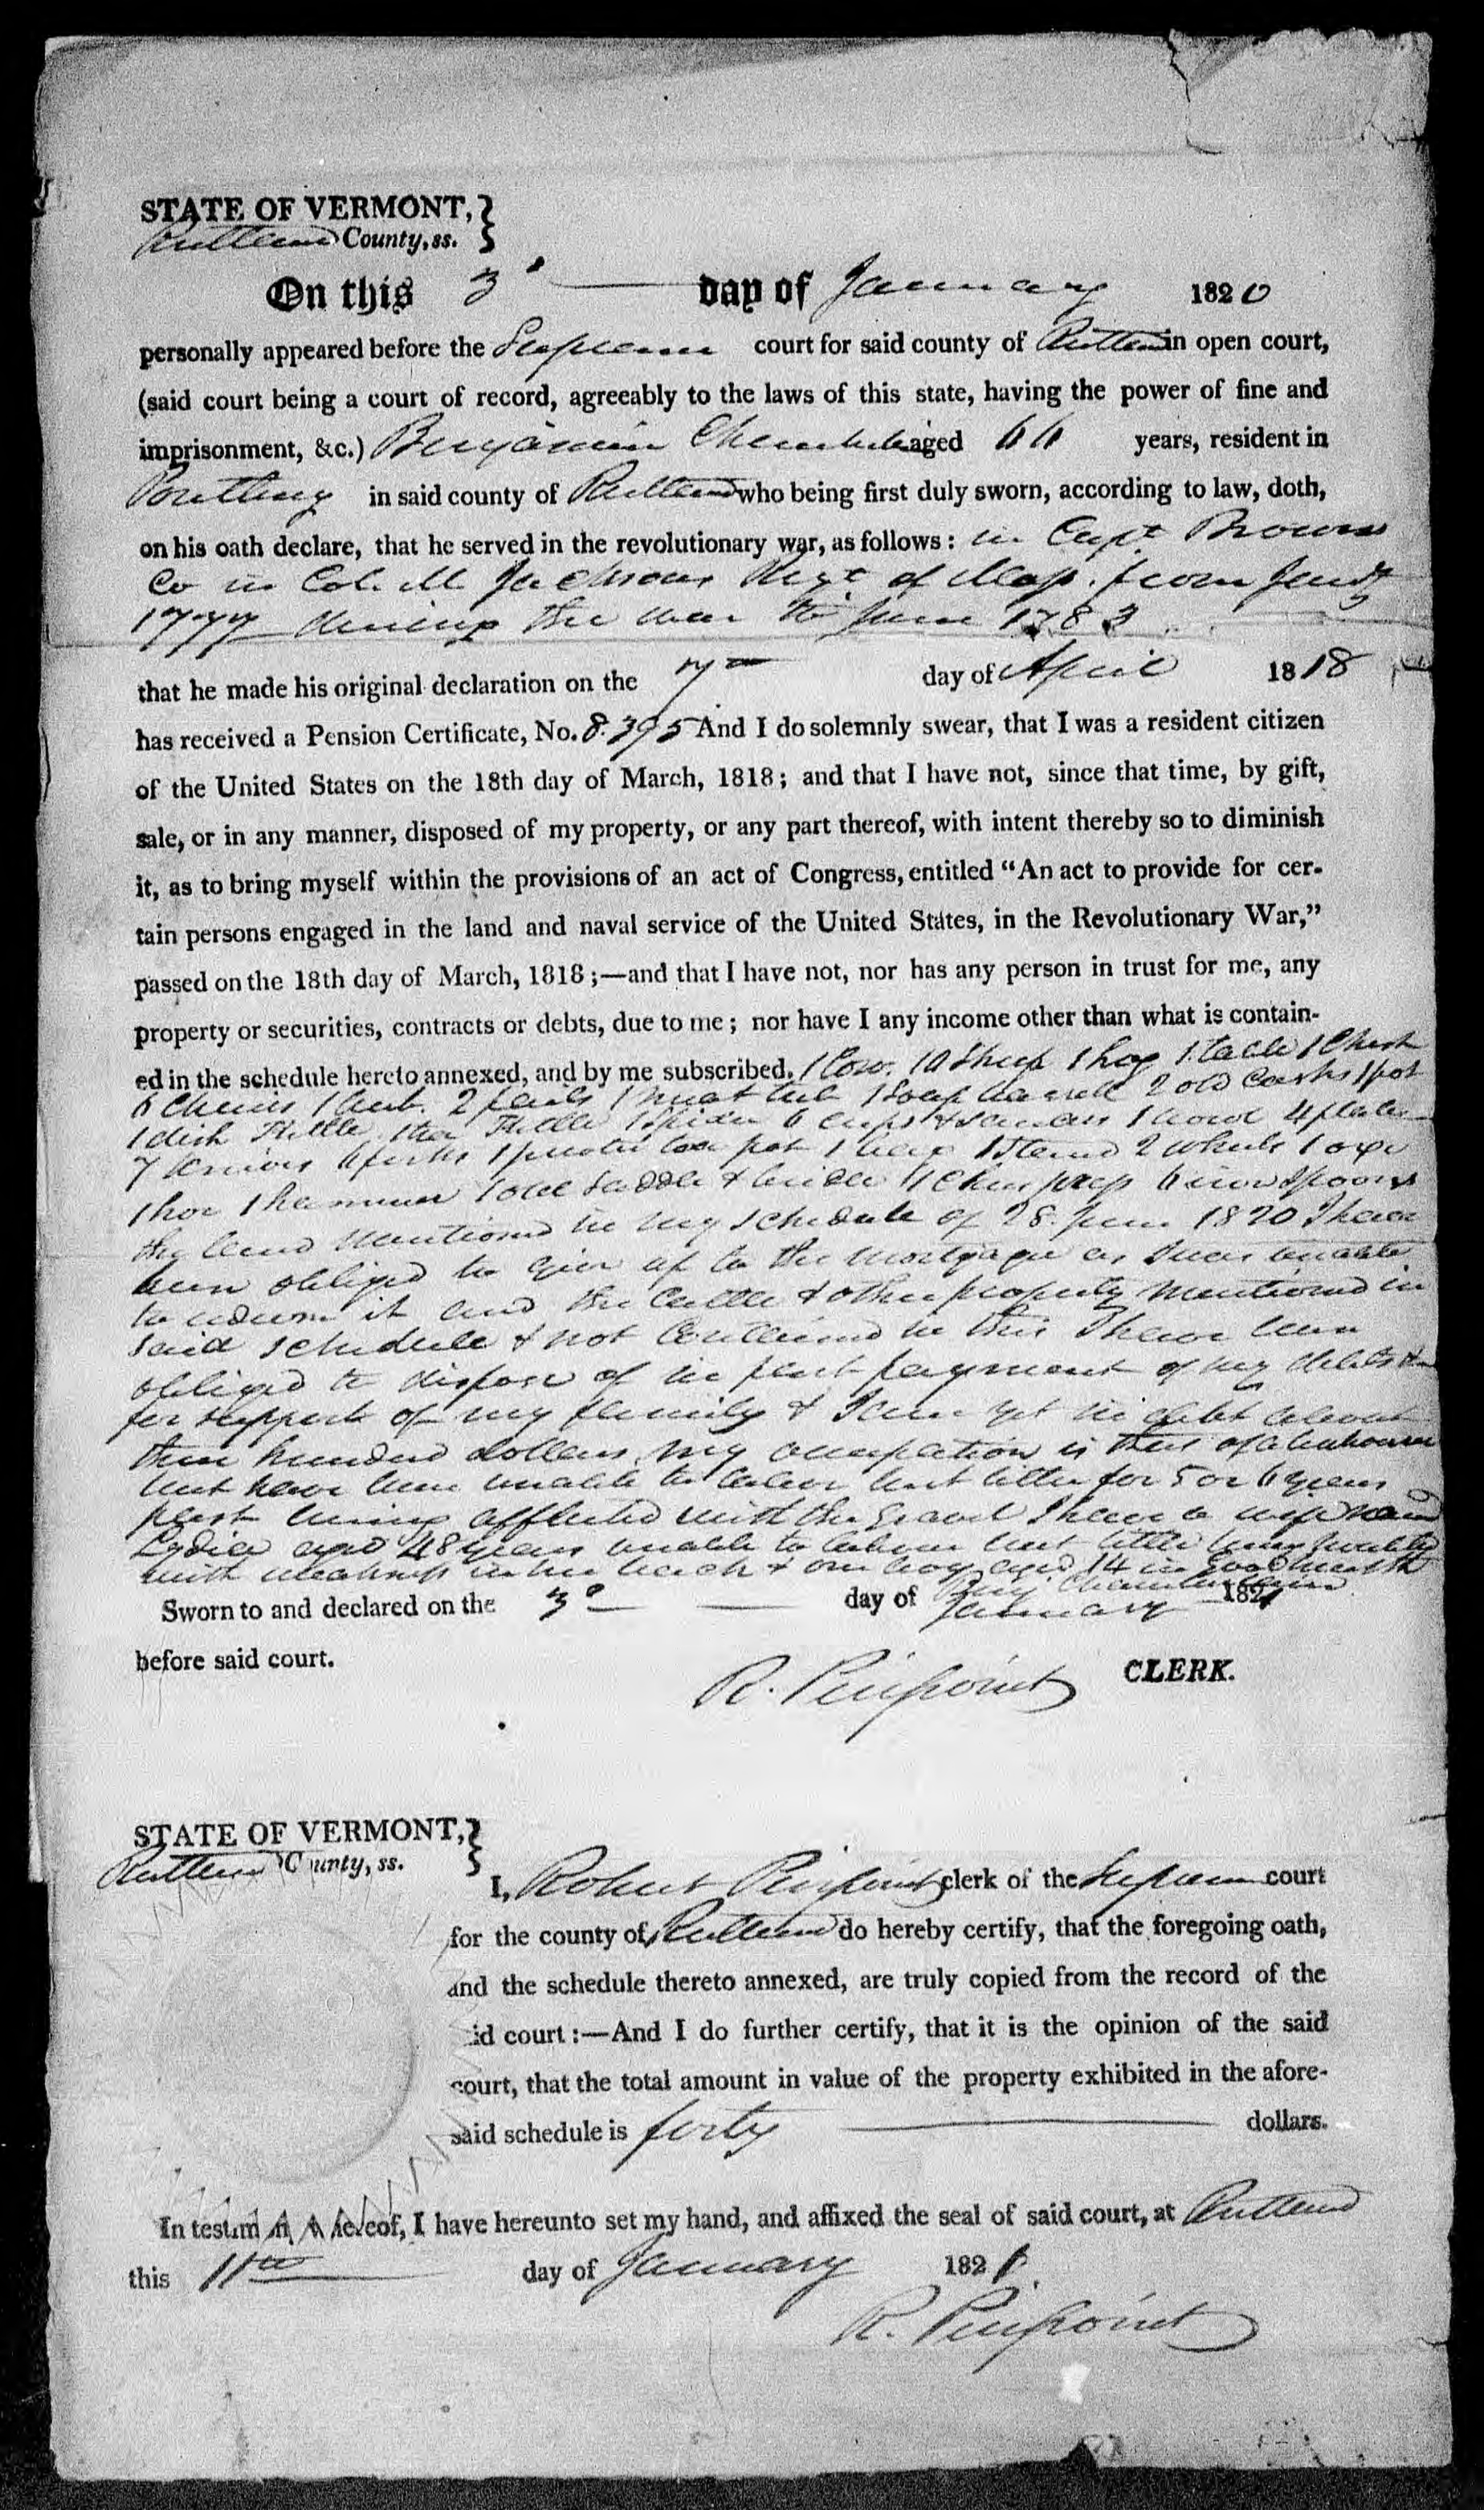State of Vermont Rutland County ss.} On this  3d day of January 1880 personally appeared before the Supreme court of said county of Rutland open court, (said court being a court of record, agreeably to the laws of this state, having the power of fine and imprisonment, &c.) Benjamin Chamberlin aged 66 year, resident in Poultney in said county of Rutland who  being first duly sworn, according to law, doth, on his oath declare, that he served in the revolutionary war as follows: in Capt Browns Co in Col M. Jacksons Regt of Mass from Jany 1777 during the war til June 1782. that he made his original declaration on the 7th day of April  1818 has received a Pension Certificate, No. 8395 And I do solemnly swear, that I was a resident  citizen of the United States on the 18th day of March 1818; and that I have not, since that time, by gift, sale or in any manner, disposed of my property, or any part thereof, with intent thereby so to diminish it, as to bring myself within the provisions of an act of Congress, entitled "An act to provide for certain person engaged in the land and navel service of the United States, in the Revolutionary War," passed on the 18th day of Marajh, 1818; - and that I have not, nor has any person in trust for me, any property or securities, contract or debts, due to me; nor have I any income other than what is contained in the schedule hereto annexed, and by me subscribed.
1 cow, 1 sheep, 1 hog, 1 table 1 chest 6 chairs 1 bed 2 pails 1 (illegible) tub 1 soap (illegible) 2 old casks 1 pot 1 dish kettle 1 tea kettle 1 spider 6 (illegible 1  6 cups & saucers 1 towel 4 plates 7 knives 1 (illegible) pot 1 (illegible) 1 (illegible) 2 wheels 1 axe 1 hoe 1 hammer 1 old saddle & bridle 1 clear prep 6 iron spoons (illegible) schedule of 28 pieces  since 1820 I have been obliged to give up the mortgage as I was unable to reduce it and the cattle &  other property  mentioned in said schedule  & not contained in this Please (illegible) obliged to dispose of the last payment of my (illegible)  for support of my family & I can yet the debt  (illegible) three hundred dollars, my occupation is that of a (illegible) but have been unable to labor but little for 5 or 6 years (illegible) affected with the (illegible) I have a wife named  Lydia age 48 years unable to (illegible) but little (illegible) with (illegible) in his back & one boy aged 14 is in good health    Benj Chamberlain
Sworn  to and declared on the 3d day of January1821 before said court.  R. Pierpoint Clerk

State of Vermont, Rutland County ss.} I Robert Pierpont clerk of the  (illegible) court for the county of Rutland do hereby certify, that the foregoing oath, and the schedule thereto annexed, are truly copied from the record of the said court: - and  I do further certify, that it is the opinion of the said court, that the total amount in value of the property exhibited in the aforesaid schedule is forty dollars.
In testimony whereof, I have hereunto set my hand, and affixed the seal of said court, at Rutland this 11th day of January 1821
R. Pierpoint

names: Robert Pierpoint, Lydia, Benj Chamberlain, R Pierpoint, Benjamin Chamberlin, R Pierpoint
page: 7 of 30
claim: survivor's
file: S. 39306, Benjamin Chamberlin, Mass.